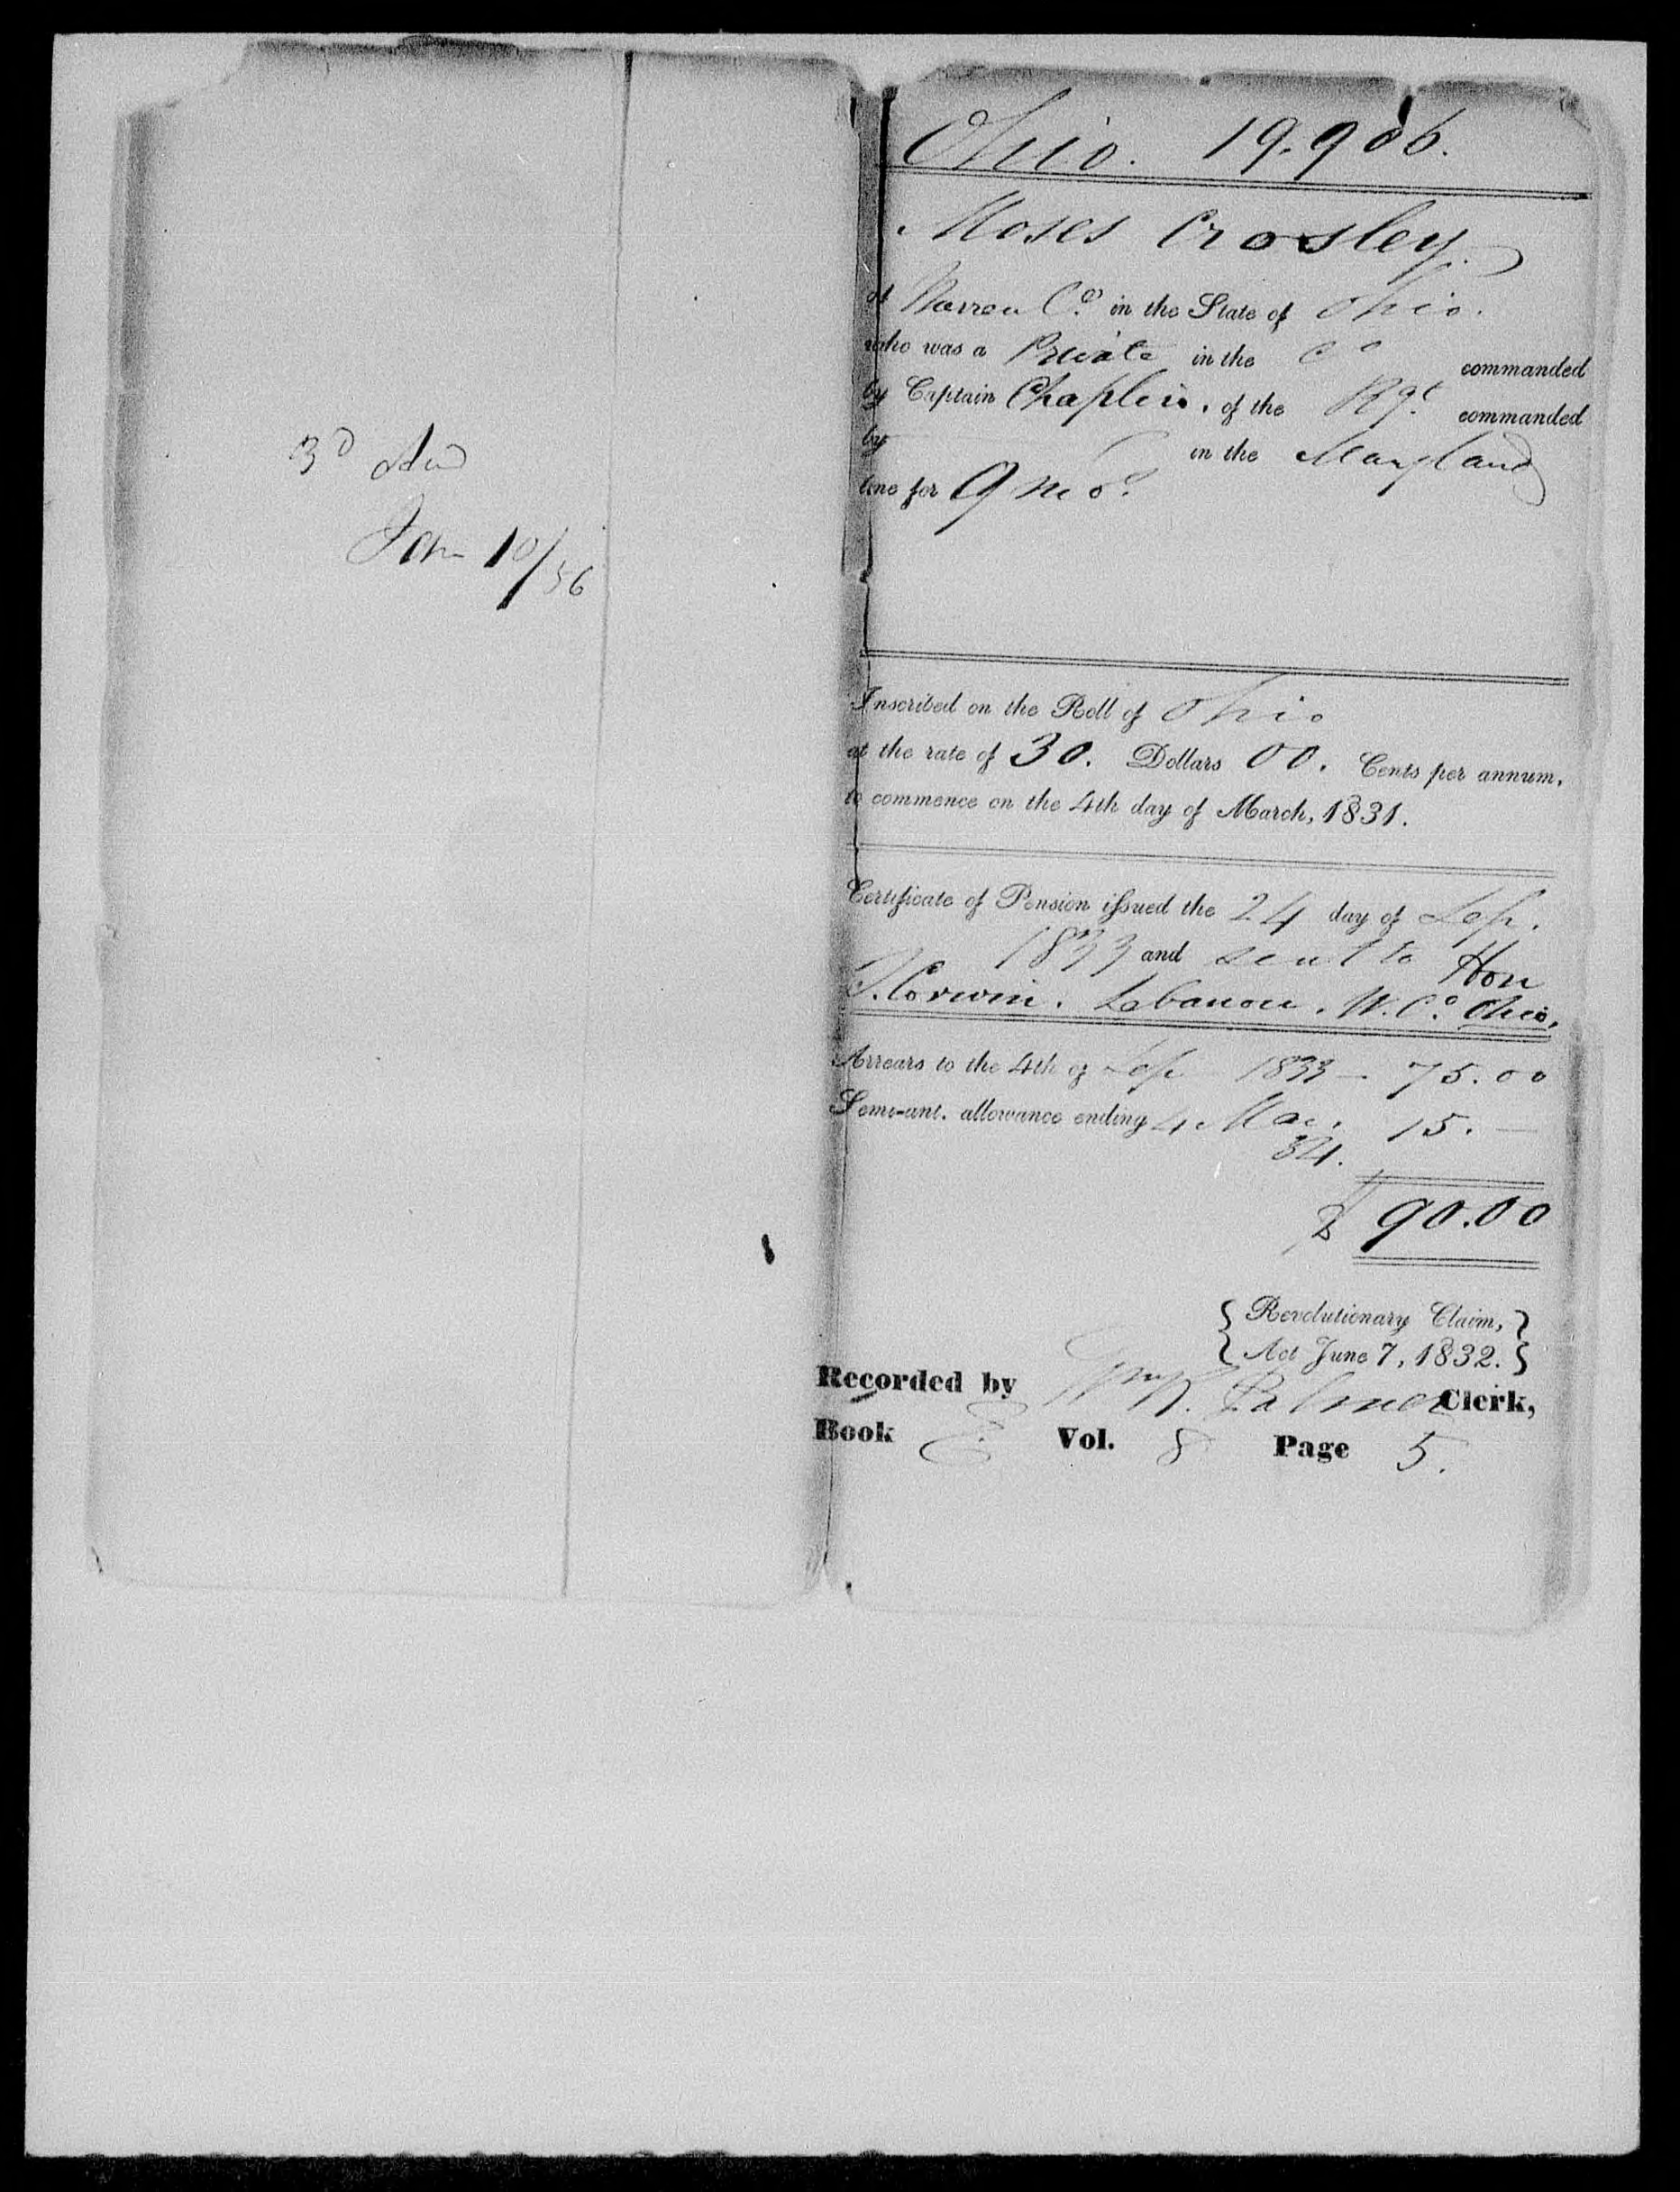3d Aud
Jan 10/56

Ohio 19.906
Moses Crosley
of Warren Co in the State of Ohio
who was a Private in the co commanded
by Captain Chaplin of the Rgt commanded 
by ______ in the Maryland
line in the Maryland
line for 9 mos.

Inscribed on the Roll of Ohio
the rate of 30 Dollars 00. Cents per annum
to commence on the 4th day of March, 1831.

Certificate of Pension issued the 24 day of Sep.
1833 and sent to Hon
T Corwin, Lebanon, W. Co Ohio

Arrears to the 4th of Sep 1833- 75.00
Semi-anl. allowance ending 4 Mar 34. 15.--
$90.00
Revolutionary Claim,
Act June 7, 1832.

Recorded by Wm. R. Palmer Clerk,
Book E vol 8, Page 5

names: Chaplin, Moses Crosley, Wm R Palmer, T Corwin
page: 12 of 37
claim: rejected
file: R. 2516, Moses Crosley, Md.